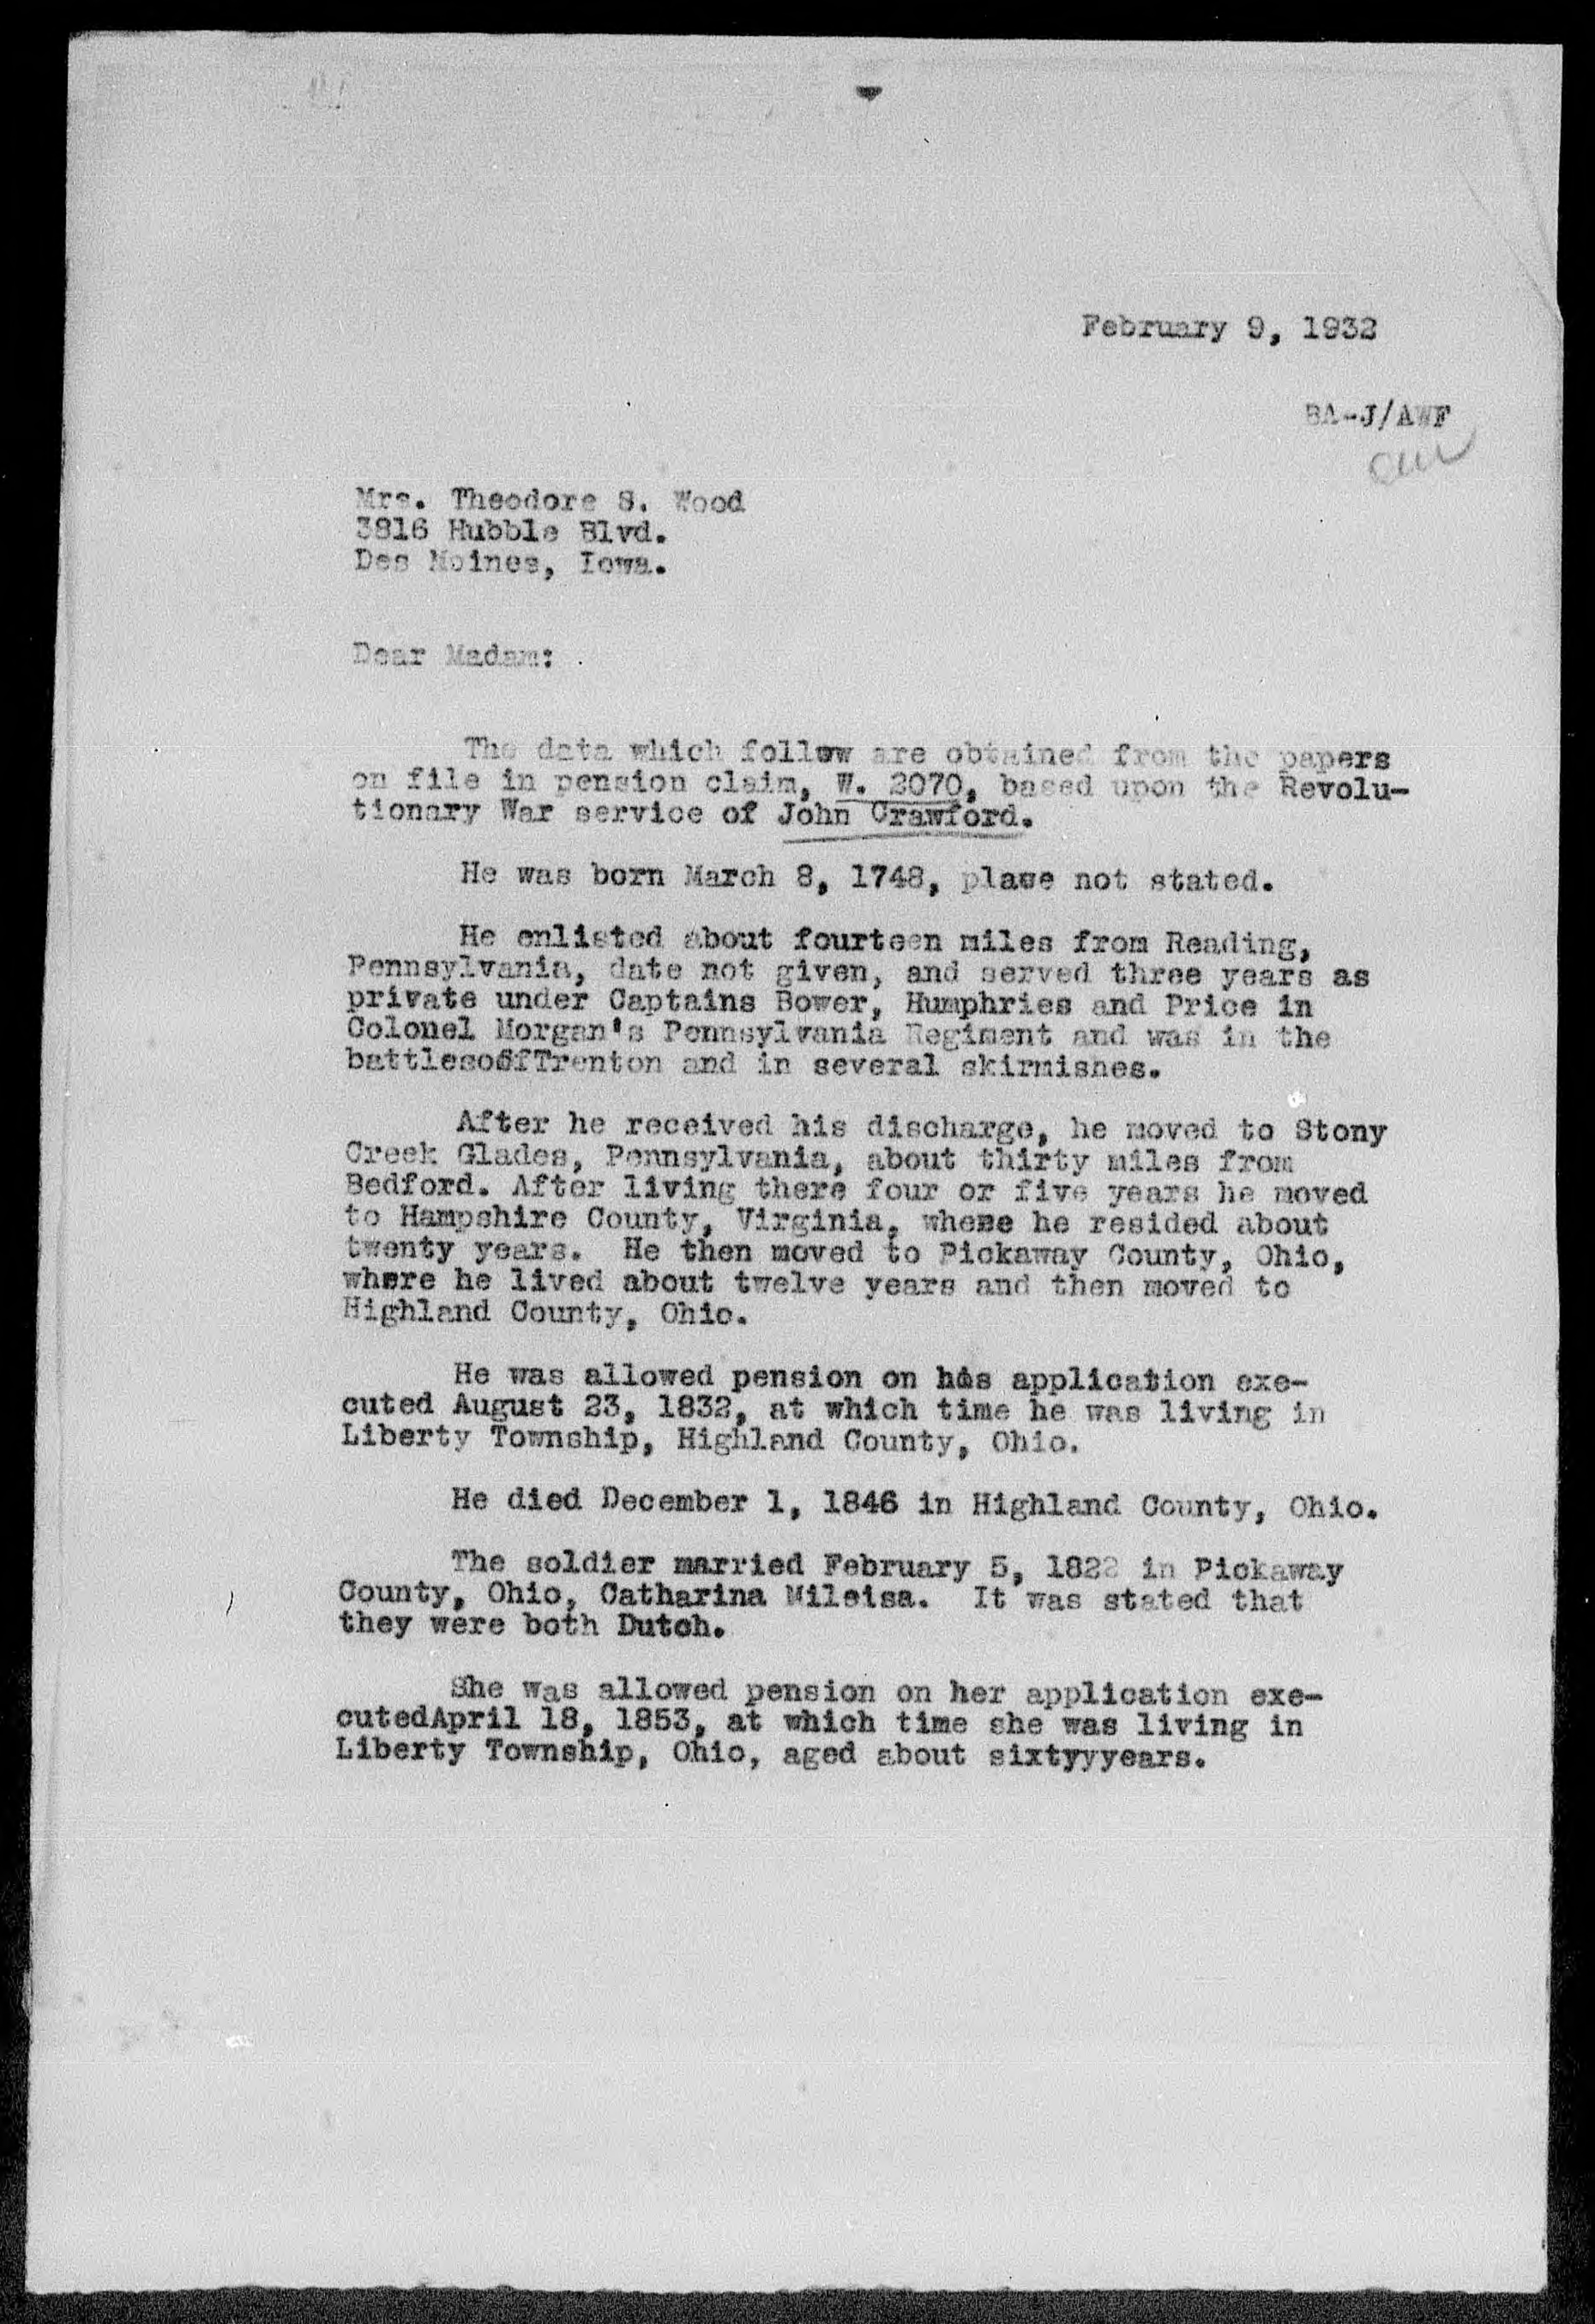February 9, 1932

BA-J/AWF

Mr. Theodore S. Wood
3816 Hubble Blvd.
Des Moines, Iowa.

Dear Madam:

The data which follow are obtained from the papers on file in pension claim, W 2070, based upon the Revolu-tionary War service of John Crawford.

He was born March 8, 1748, place not stated.
He enlisted about fourteen miles from Reading, Pennsylvania, date not given, and served three years as private under Captains Bower, Humphries and Price in Colonel Morgan's Pennsylvania Regiment and was in the battle of Trenton and in several skirmishes.

After he received his discharge, he moved to Stony Creek Glades, Pennsylvania, about thirty miles from Bedford. After living there four or five years he moved to Hampshire County, Virginia, where he resided about twenty years. He then moved to Pickaway County, Ohio,
where he lived about twelve years and then moved to Highland County, Ohio.

He was allowed pension on his application executed August 23, 1832, at which time he was living in Liberty Township, Highland County, Ohio.

He died December 1, 1846 in Highland County, Ohio.

The soldier married February 5, 1822 in Pickaway County, Ohio, Catharina Mileisa. It was stated that they were both Dutch.

She was allowed pension on her application executed April 18, 1853, at which time she was living in Liberty Township, Ohio, aged about sixty years.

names: Price, John Crawford, Bower, Theodore S Wood, Humphries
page: 17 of 80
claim: widow's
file: W 2070, John Crawford, Penn.